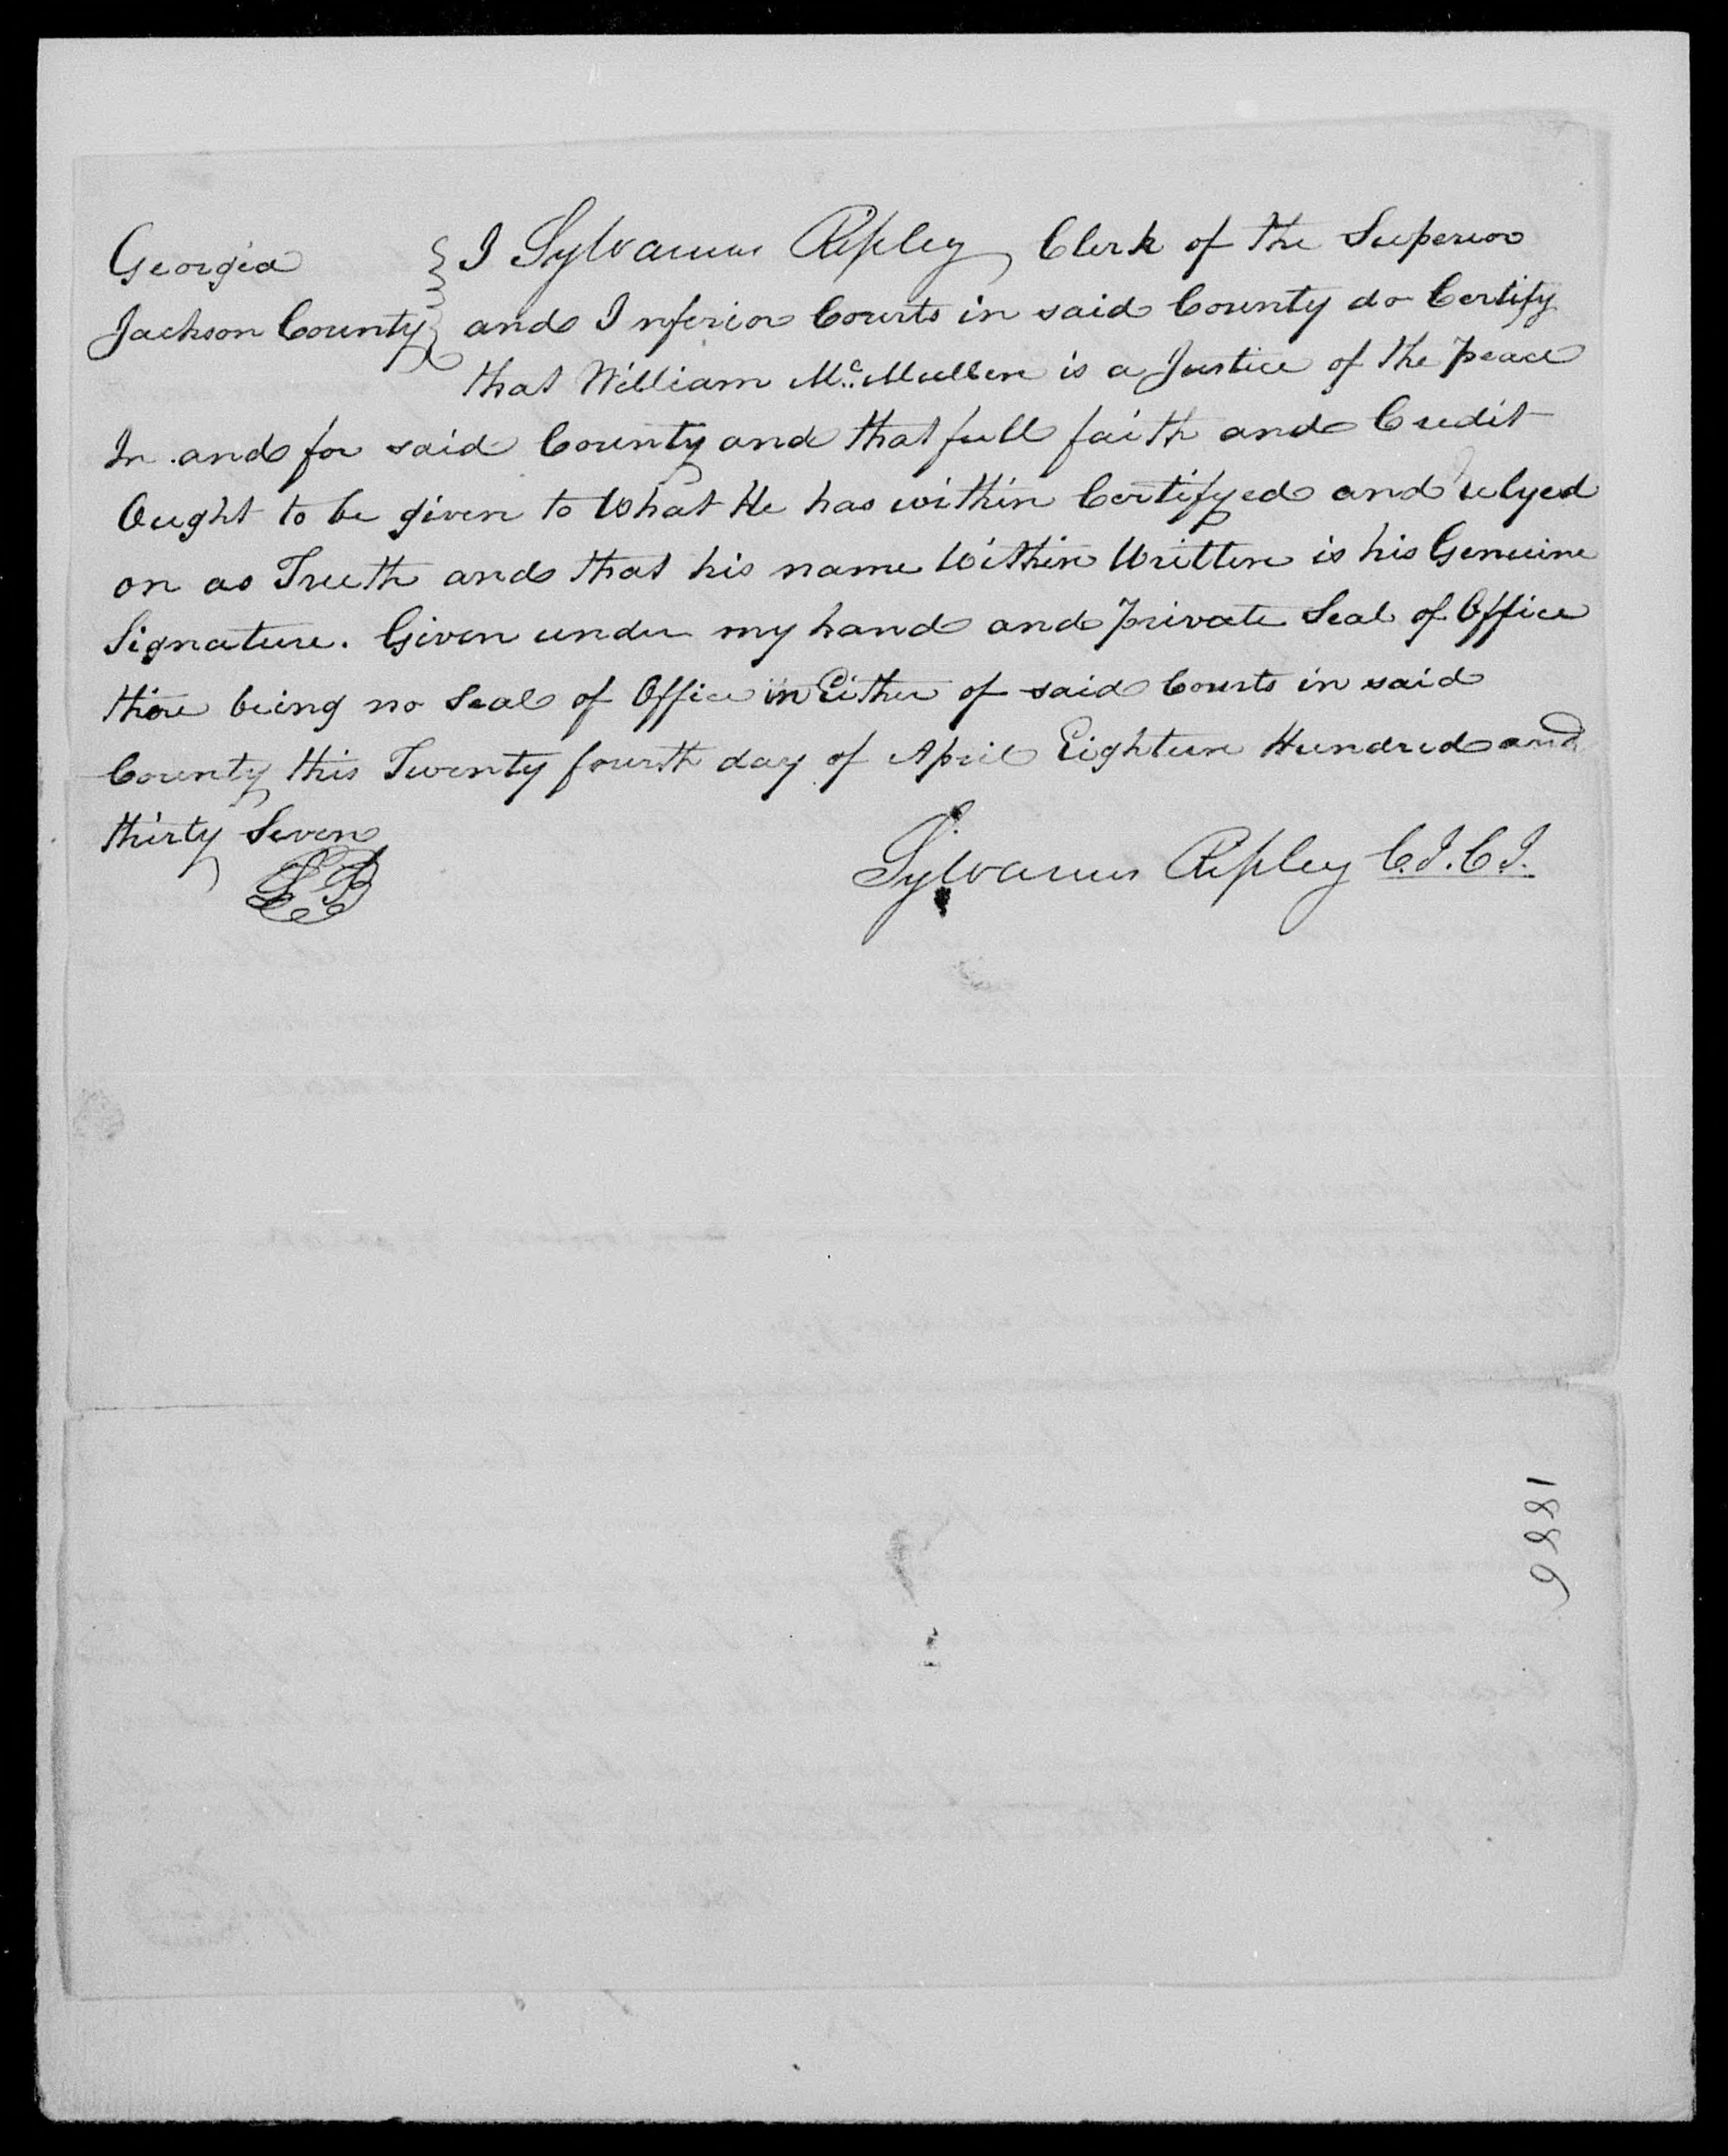Georgia
Jackson County
I  Sylvania Ripley Clerk of the Superior
and Inferior Courts in said County do certify
that William McMullen is a Justice of the peace
In and for said County and that full faith and credit
ought to be given to what he has within Certifyed and relyed
on as Truth and that his name within written is his Genuine
Signature. Given under my hand and private Seal of Office
those being no seal of Office in Either of said Courts in said
County this Twenty fourth day of April Eighteen Hundred and
thirty Seven
Sylvanus Ripley CJ.C.J..
1886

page: 12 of 26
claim: widow's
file: W. 4464, for John H Johnson, Georgia